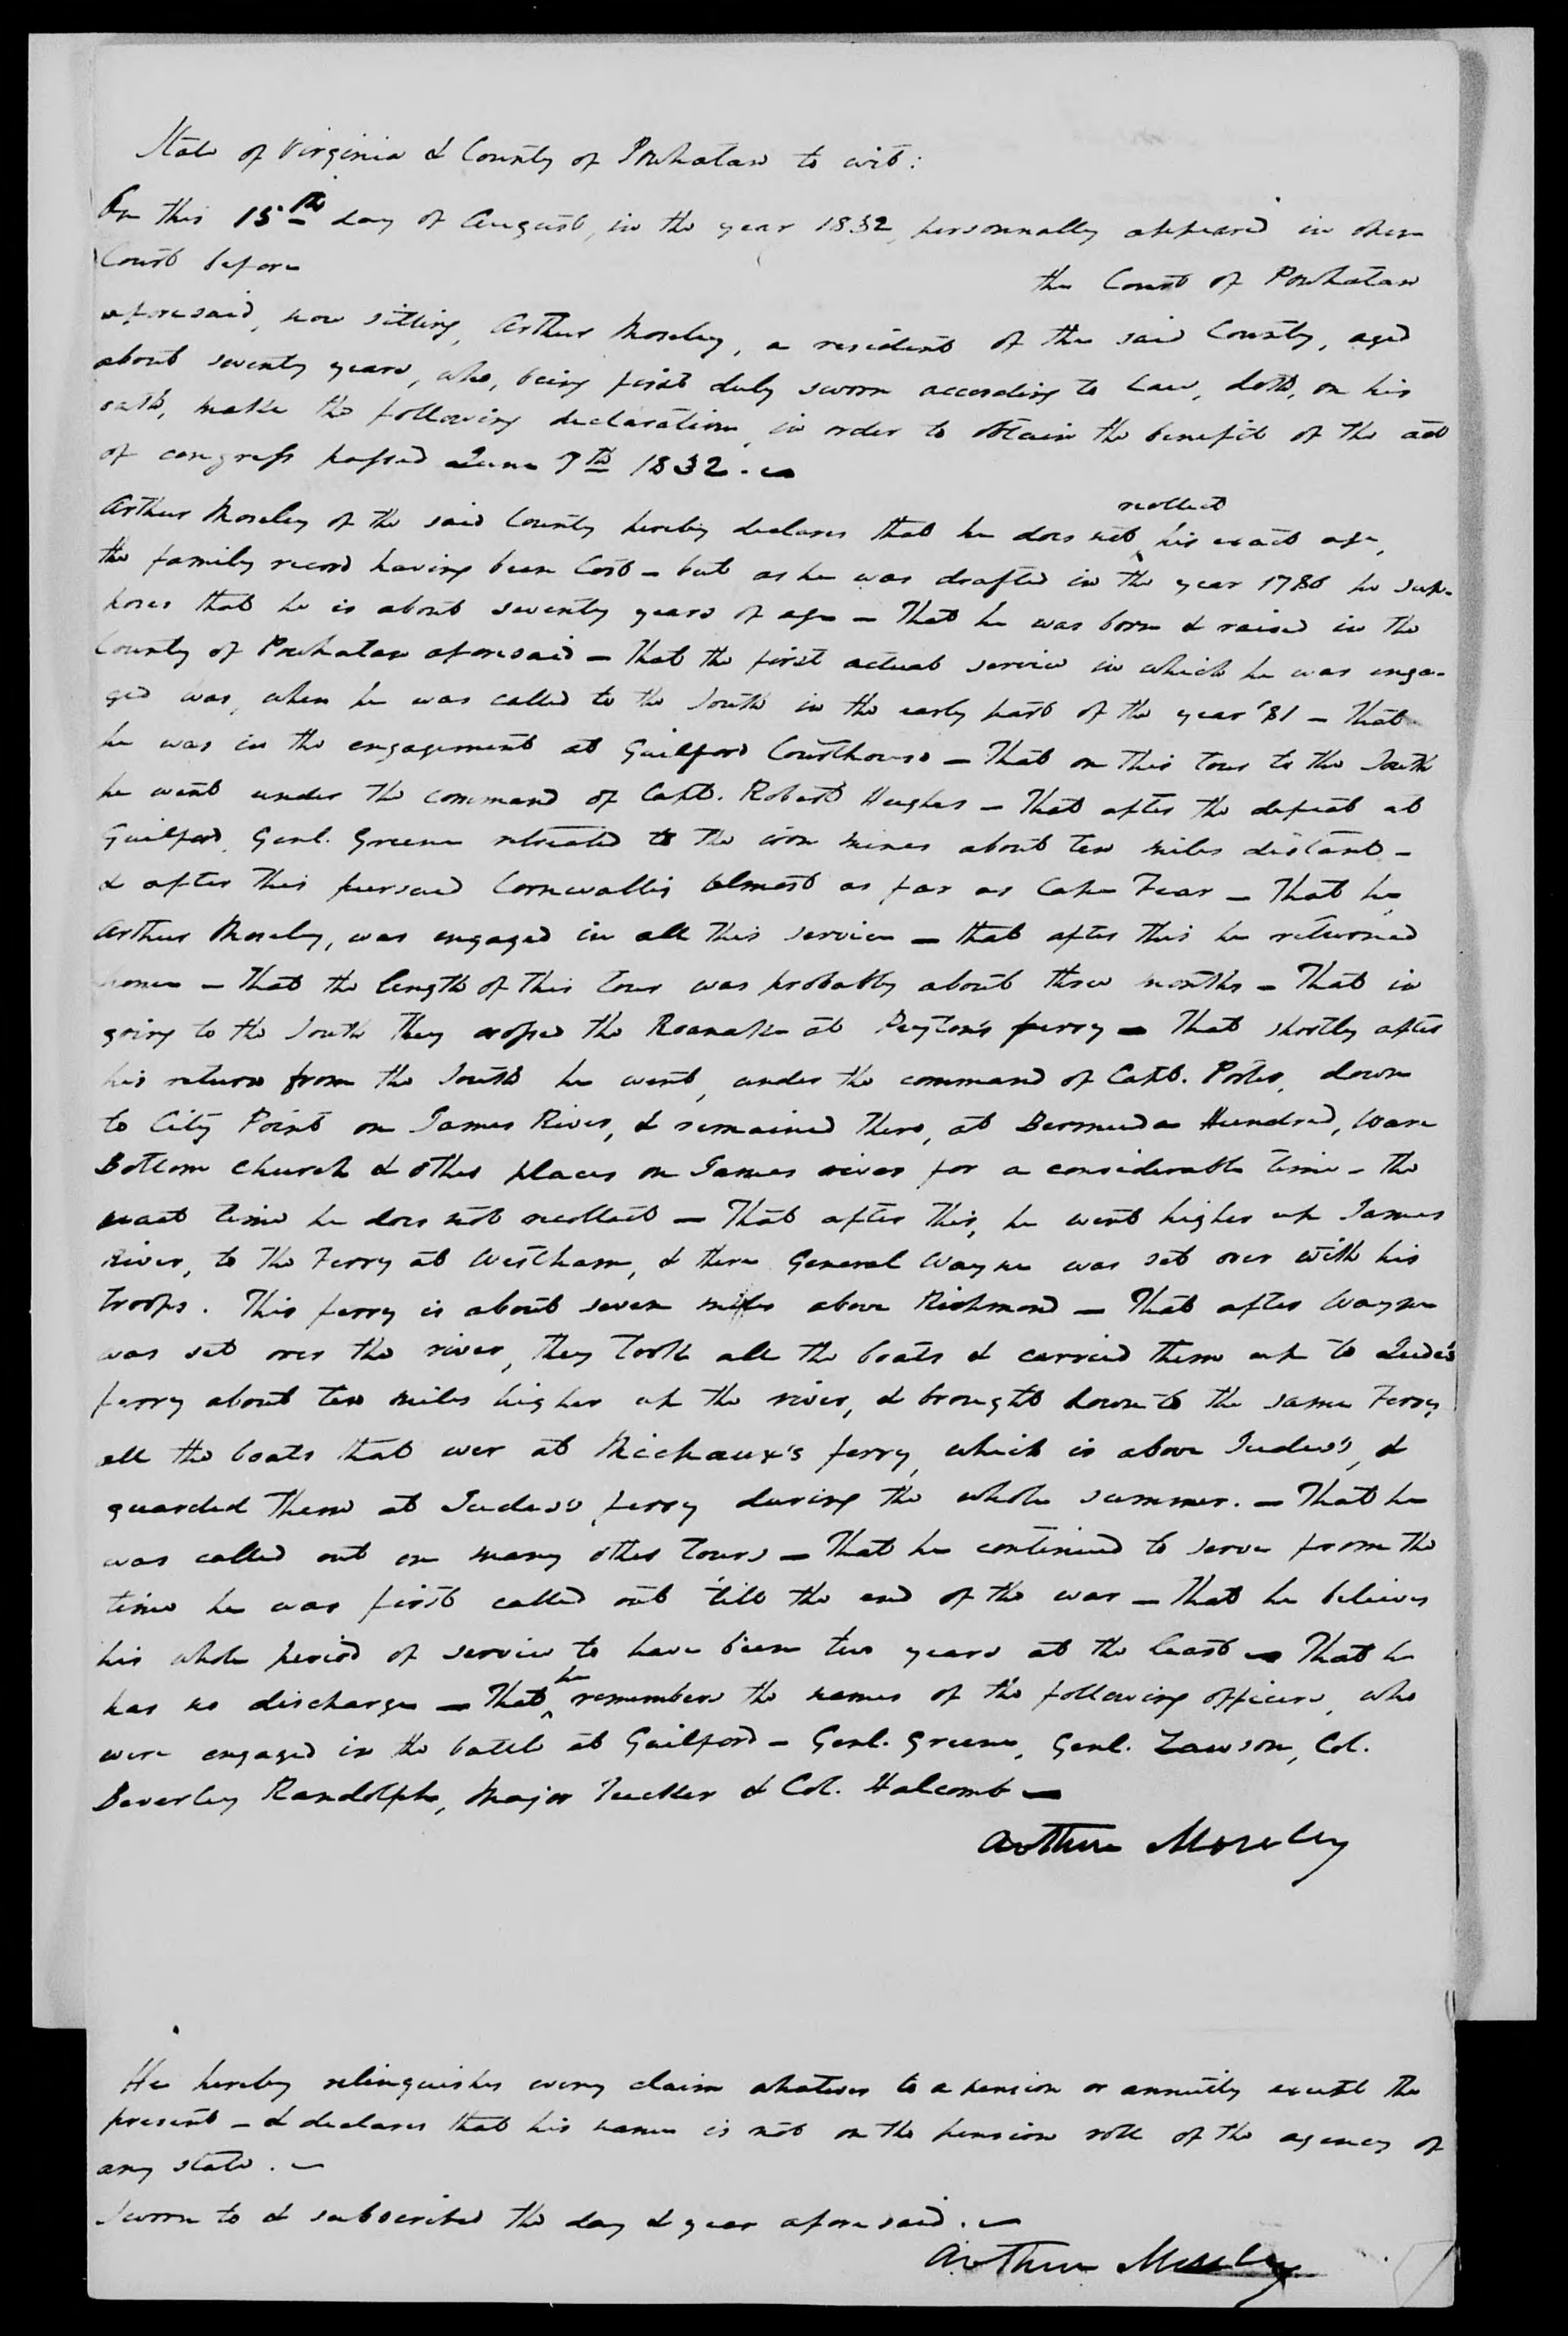State of Virginia & County of Powhatan to wit:

On this 15th day of August, in the year 1832, personally offered in this Court before the Court of Powhatan before aforesaid, now sitting, Arthur Moseley, a resident of this said County, aged about 70 years, who, being [illegible] duly sworn according to Law, doth, on his [illegible], make the following declaration, in order to obtain the benefit of the act of congress passed June 7th 1832.

Arthur Moseley of the said County hereby declares that he does not recollect his exact age, the family record having been lost – but as he was drafted in the year 1780, he supposes that he is about 70 years of age – That he was born & raised in the County of Powhatan aforesaid – That the first actual service in which he was engaged was, when he was called to the South in the early part of the year ’81 – That he was in the engagement at Guilford Courthouse – That on this tour to the South he went under the command of Capt. Robert Hughes – That after the defeat at Guilford, Genl. Greene retreated to the iron mines about ten miles distant – & after this pursued Cornwallis almost as far as Cape Fear - That he, Arthur Moseley, was engaged in all this service – that after this he returned home – That the length of this tour was probably about three months – That in going to the South they crossed the Roanoke at Peyton’s ferry -  That shortly after his return from the South he went, under the command of Capt. Porter, down to City Point on James River, & remained there, at Bermuda Hundred, Ware Bottom Church & other places on James river for a considerable time – The exact time he does not recollect – That after this, he went higher up James River, to the Ferry at Westham, & there General Wayne was set over with his troops.  This ferry is about seven miles above Richmond - That after Wayne was set over the river, they took all the boats & carried them up to Jude’s ferry about ten miles higher up the river, & brought down to the same Ferry all the boats that were at Richeaux’s ferry, which is above the Jude’s, & guarded them at Jude’s ferry during the whole summer.  – That he was called out on many other tours – That he continued to serve from the time he was first called out ‘till the end of the war – That he believes his whole period of service to have been two years at the least – That he has no discharge – That he remembers the names of the following officers, who were engaged in the battle of Guilford – Genl. Greene, General Lawson, Col. Beverley Randolph, Major Tucker & Col. Halcomb –

Arthur Moseley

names: [BLANK] Lawson; [BLANK] Holcomb; [BLANK] Green; [BLANK] Wayne; Robert Hughes; [BLANK] Porter; Arthur Moseley; Beverley Randolph; [BLANK] Cornwallis; [BLANK] Tucker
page: 4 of 21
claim: survivor's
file: S. 7240, for Arthur Moseley, Virginia